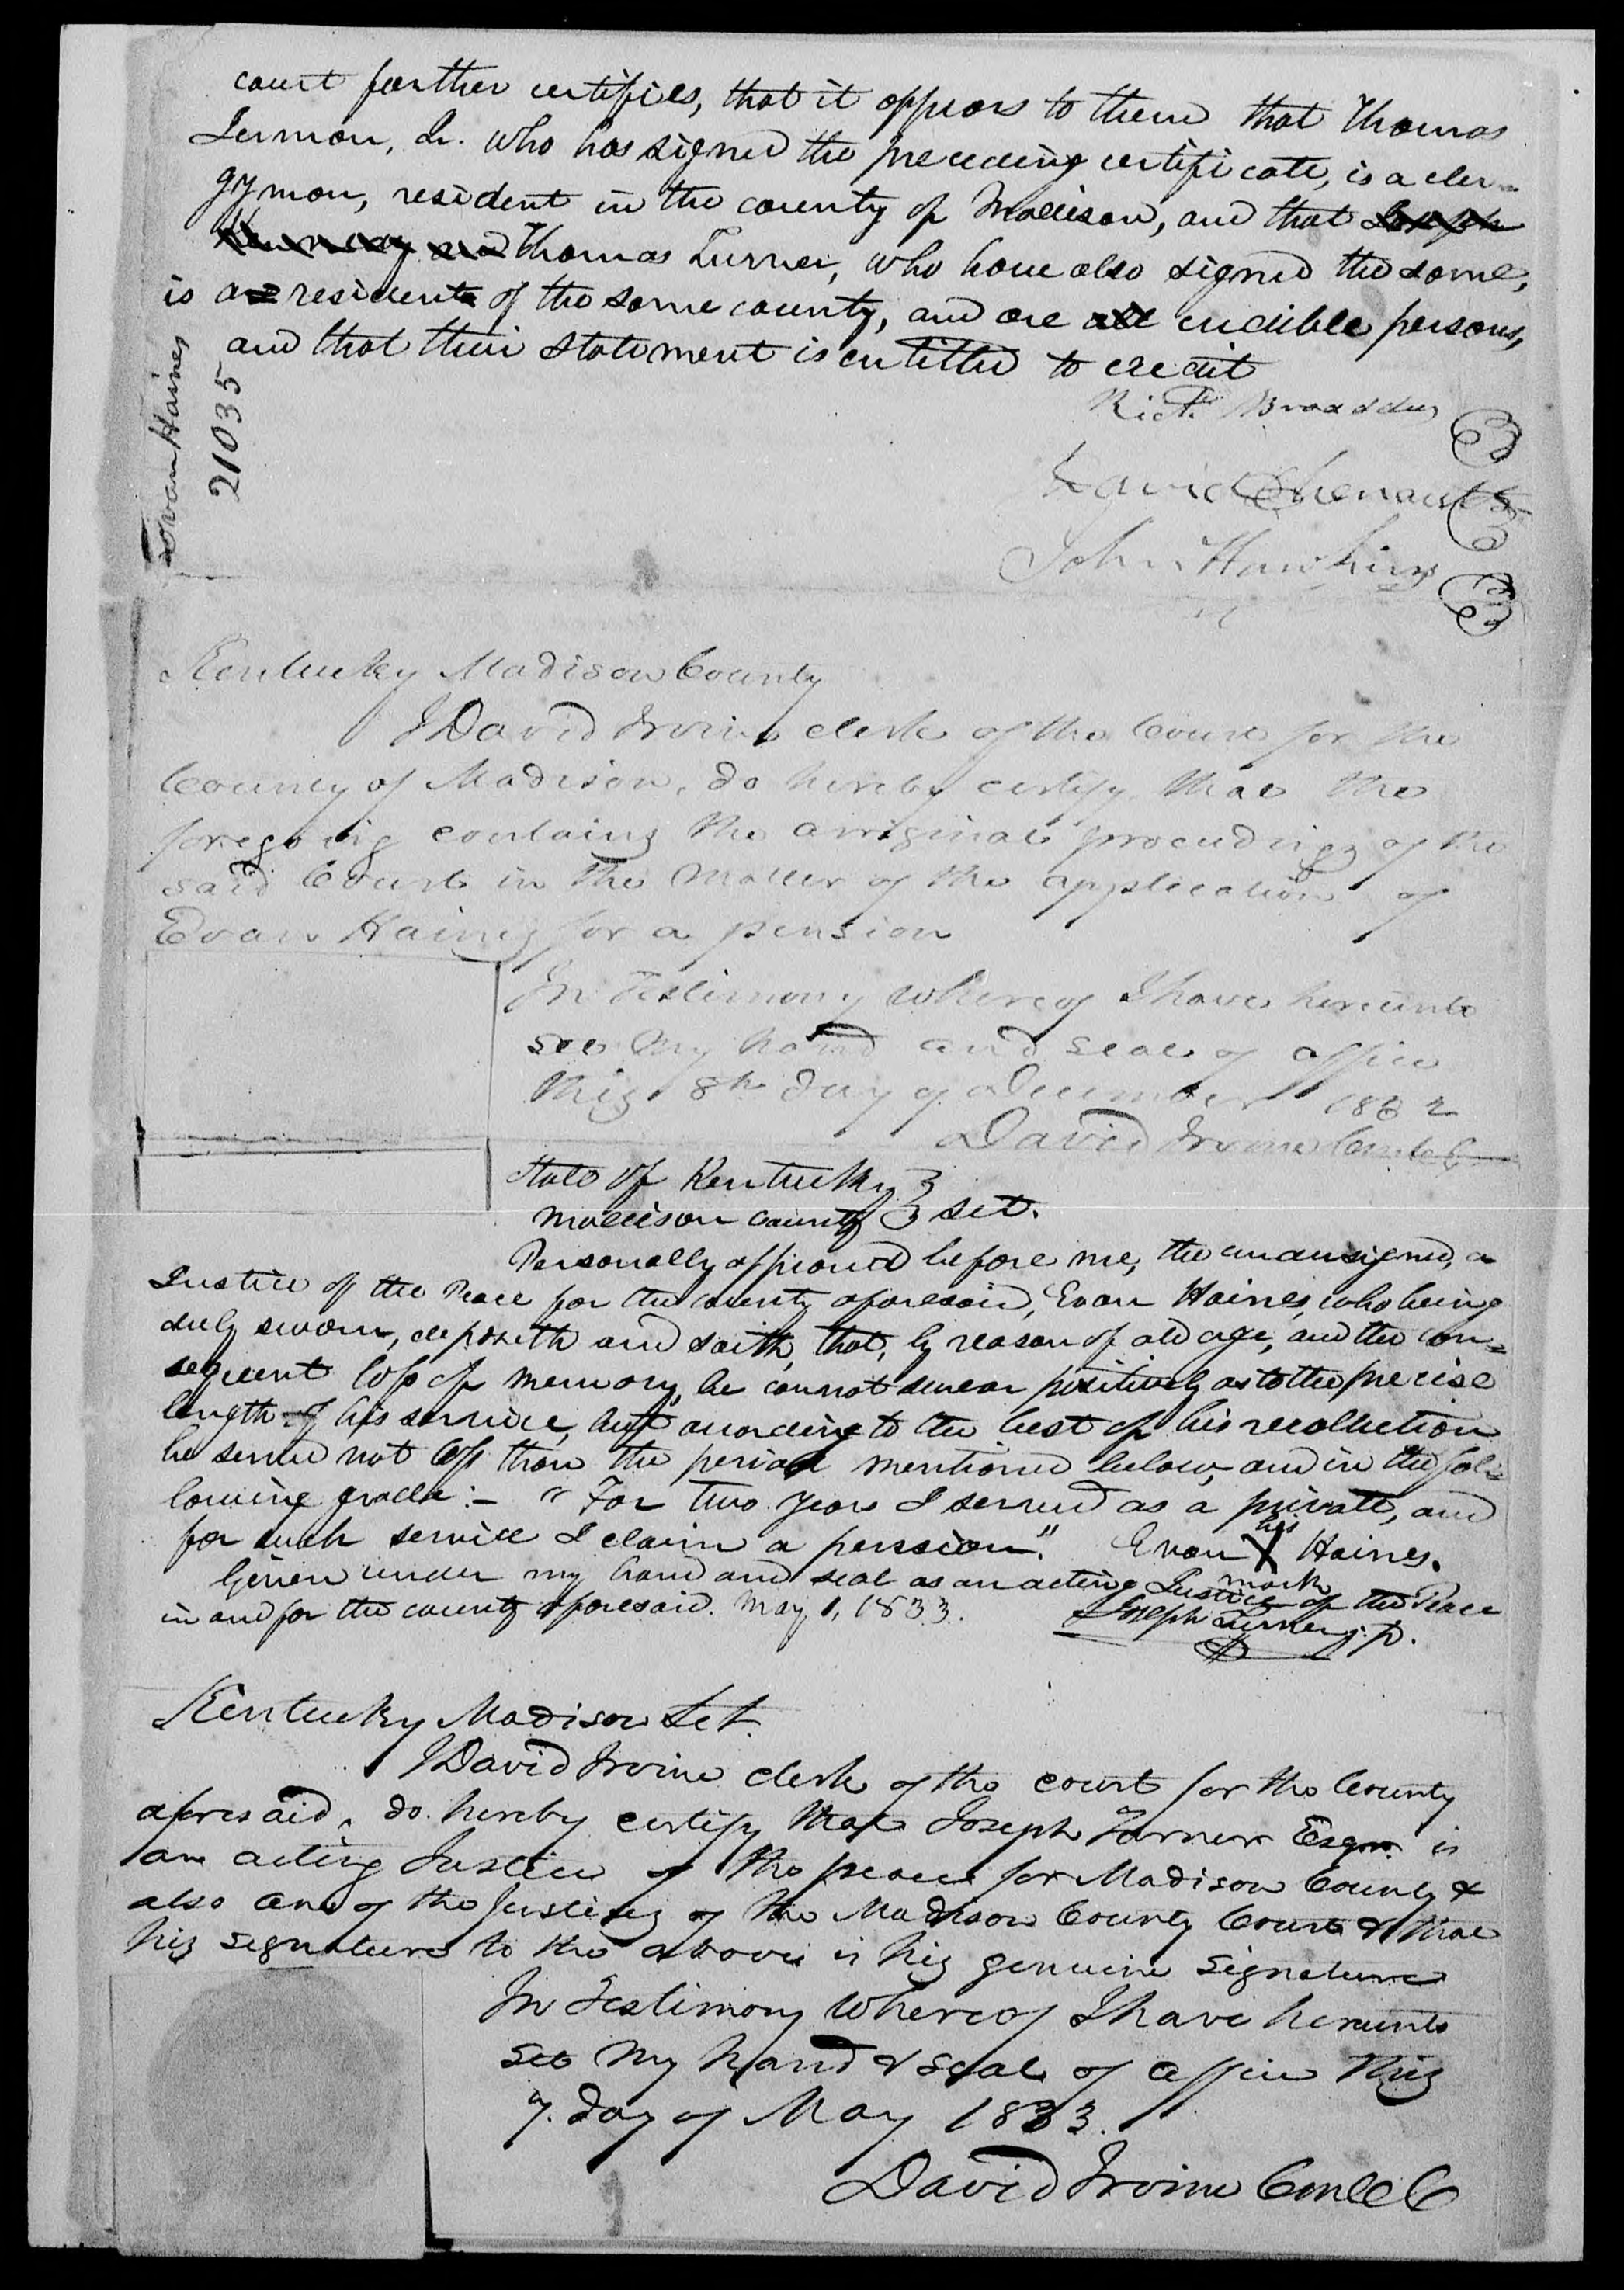court further certifies, that it appears to them that Thomas Jermon, Jr. who has signed the preceding certificate, is a clergyman, resident in the county of Maddison, and that [Joseph Kennedy and] (preceding information stricken from document) Thomas Turner, who have also signed the same is [are] (stricken) resident of the same county, and are [all] (stricken) credible persons, and that their statement is entitled to credit.

Evan Haines
21035

Richard Broaddus
David [Chenautes] sp
John Hawkins

Kentucky Maddison County
I David Irvine clerk of the court for the county of Maddison, do humbly certify that the said [count] sp in the matter of the application of Evan Haines for a pension [words covered by another piece of paper]. In testimony where of I have here unto [paper covering words] see my hand and seal of office this 18th day of December 1832.

David Irvine [clerk] sp

State of Kentucky}
Maddison County} set

Personally of [sp] before me, the circumstances as Justice of the Peace for and county [overseer] sp, Evan Haines who being duly sworn, [of] sp truth and faith that by reason of old age, and [the] sp consequent lack of memory, he cannot swear positively as to thee precise length of his service, but [sp] to the best of his recollection he [sp] not [sp] than the period mentioned below, and in the [sp] loving grace:- "For two years I served as a private, and for such service I claim a pension." 
Evan [X] Haines 
Given under my hand and seal as an acting Justice of the Peace in and for the county aforesaid. May 1, 1833
Joseph Turner Jr

Kentucky Madison Set.
I David Irvine clerk of the court for the County aforesaid, do humbly certify that Joseph Turner Esq. is an acting Justice of the Peace for Madison County and also of the justice of the Madison County Court of that his signature to the above is his genuine signature in testimony where of I have hereinto set my hand and seal of office this 7th Day of May 1833

David Irvine [sp]
SERVICE
Ga

-
Haines, Evan
Charity

NUMBER
W. 8897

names: Evan Haines, Daniel Chenault, David Irvine, David Irvine, Joseph Turner, Thomas Jermon, Joseph Turner, Richd Broaddus, Evan Haines, Evan Haines, Evan Haines, David Irvine, Joseph Kennedy, Thomas Turner, John Hawkins, David Irvine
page: 8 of 34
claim: widow's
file: W. 8897, Evan Haines, Ga